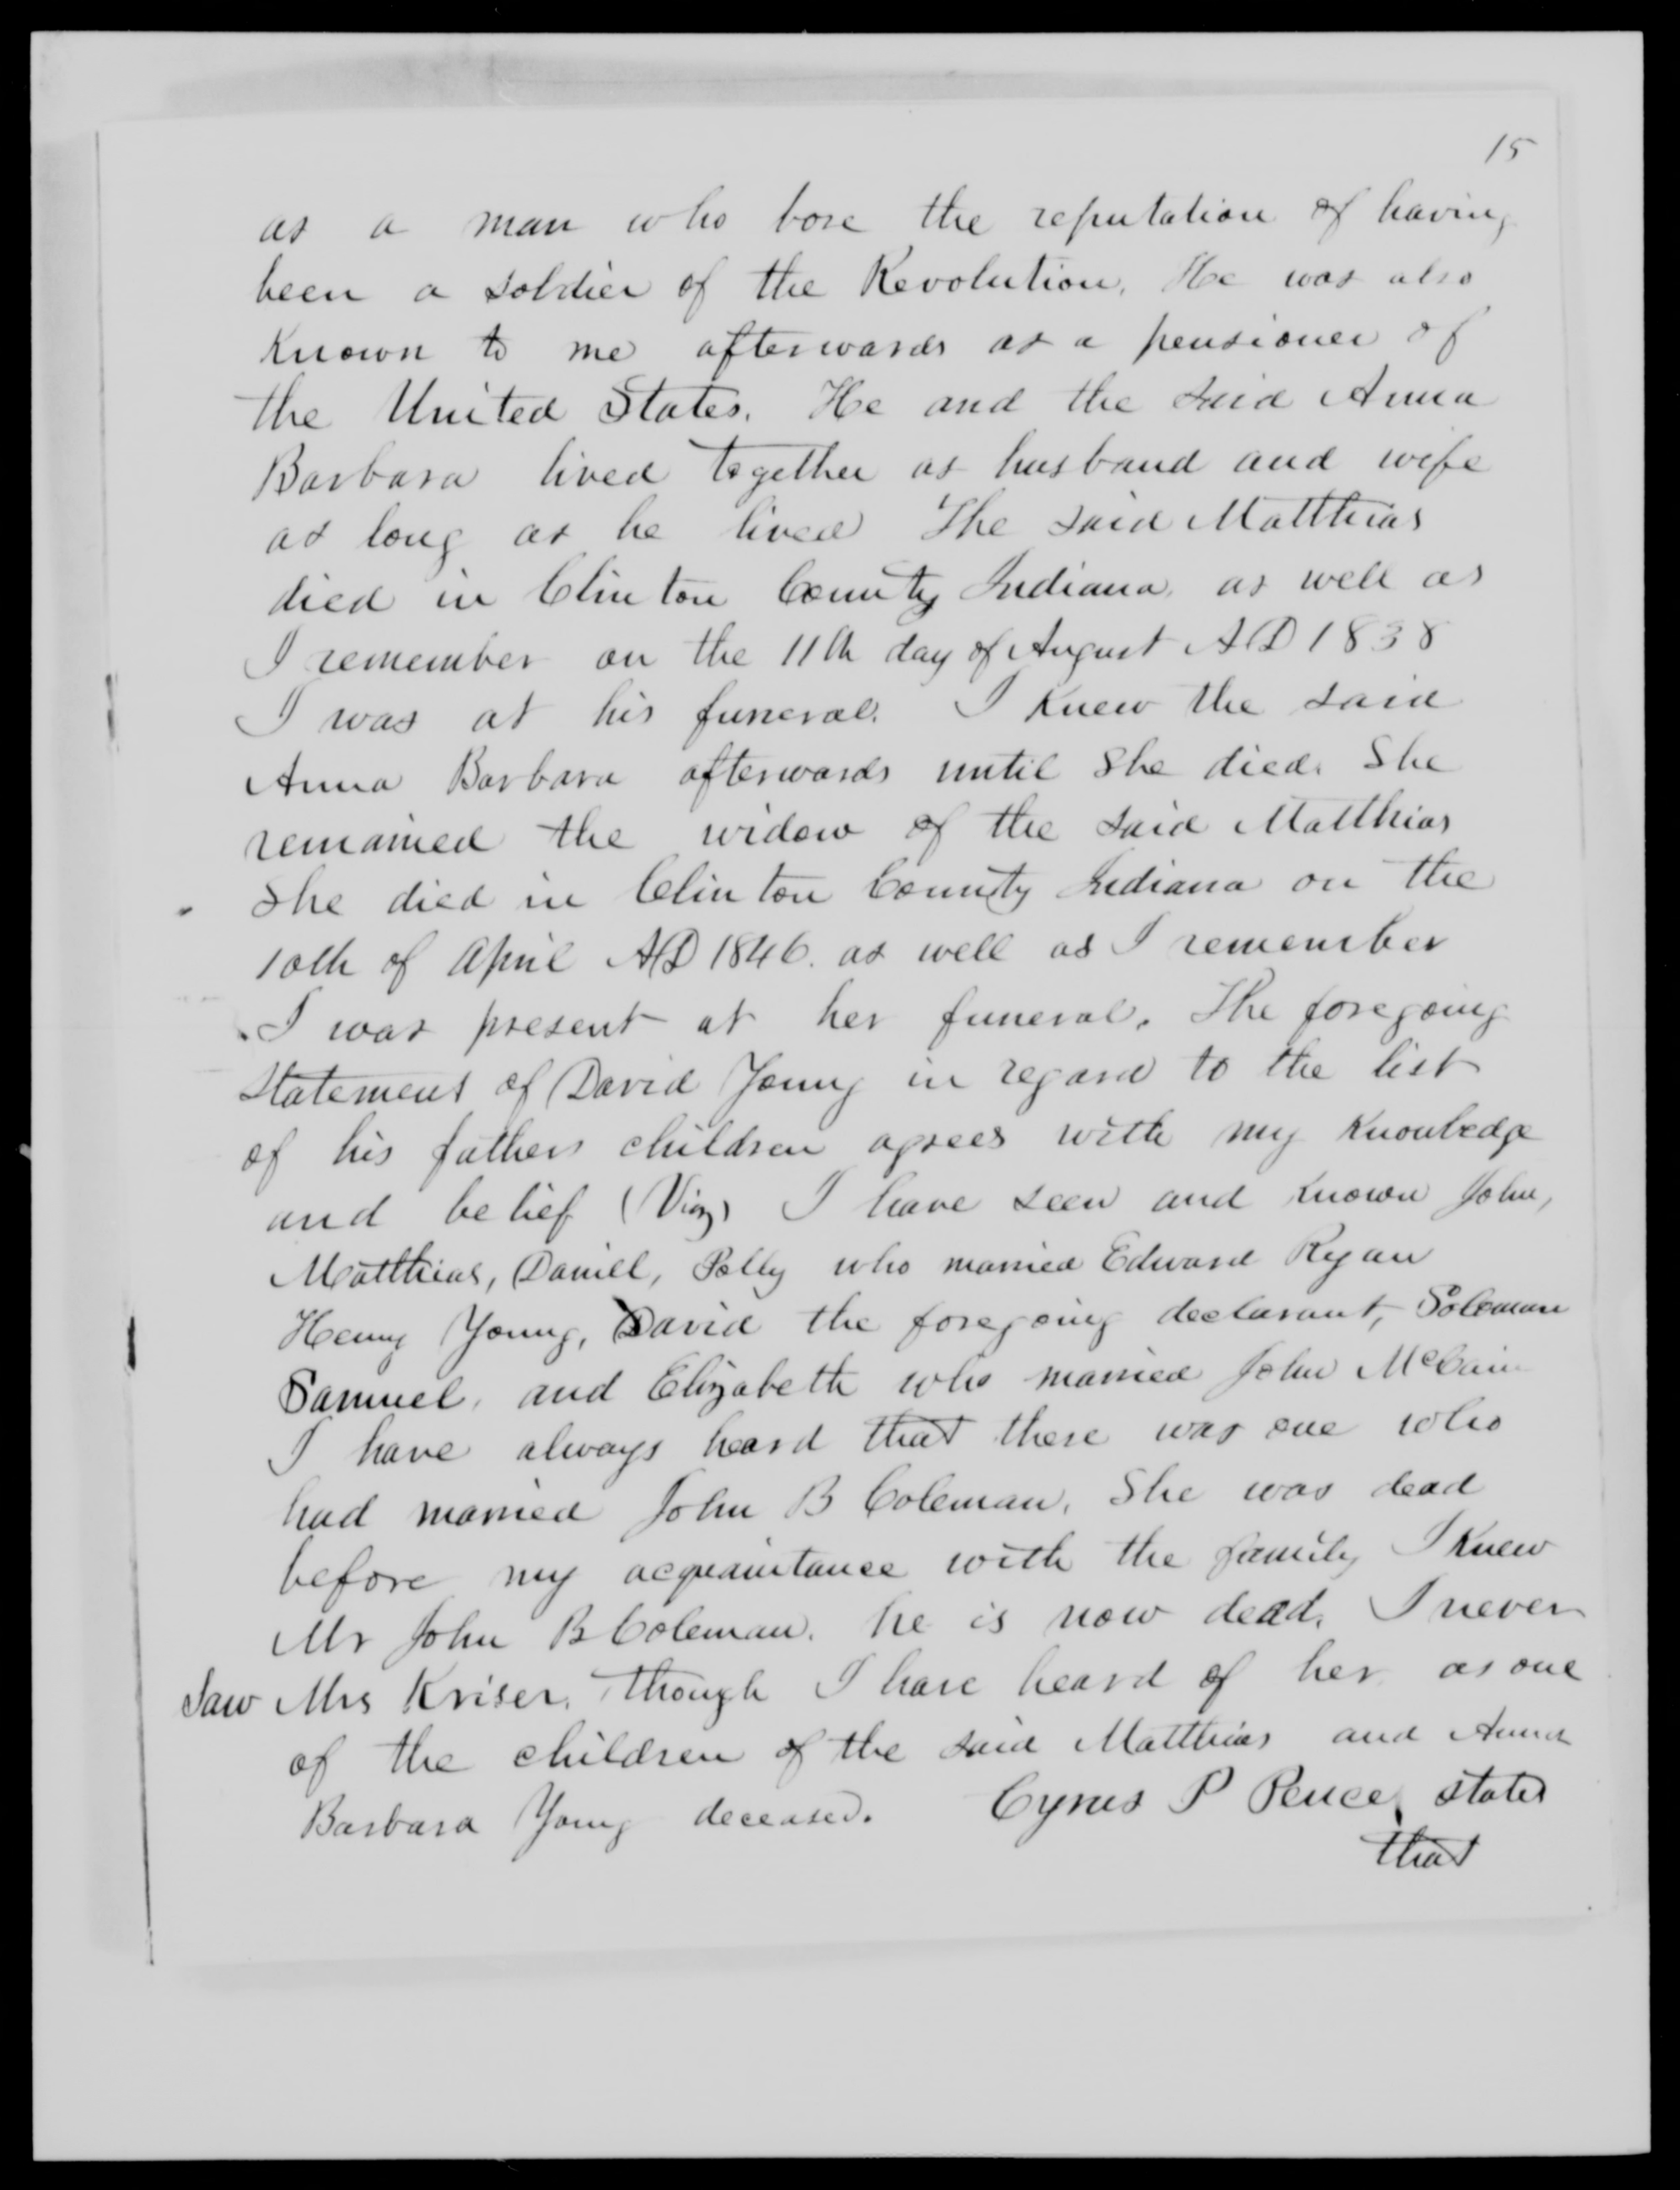15
as a man who bore the reputation of having been
a soldier of the Revolution. He was also
known to me afterwards as a pensioner of
the United States. He and the said Anna
Barbara lived together as husband and wife
as long as he lived. The said Matthias
died in Clinton County Indiana, as well as
I remember on the 11th day of August AD 1838.
I was at his funeral. I knew the said
Anna Barbara afterwards until she died. She
remained the widow of the said Matthias.
She died in Clinton County Indiana on the
10th of April AD 1846 as well as I remember.
I was present at her funeral. The foregoing
statement of David Young in regard to the list
of his father’s children agrees with my knowledge
and belief. (Viz) I have seen and known John,
Matthias, Daniel, Polly who married Edward Regan
Henry Young, David the foregoing declarant, Solomon, Samuel and Elizabeth who married John McCain.
I have always heard that there was one who
had married John B Coleman, she was dead
before my acquaintance with the family. I knew
Mr John B Coleman, he is now dead. I never saw
Mrs Kiser, though I have heard of her as one of the
children of the said Matthias and Anner
Barbara Young deceased.
Cyrus P Pence stated
that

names: Anna Barbara Young, Kriser, Matthias Young, Samuel, Edward Ryan, Anna Barbara, Solomon, David Young, Elizabeth, Cyrus P Pence, John B Coleman, Henry Young, John, Matthias, John Mc Cain, Daniel, Polly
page: 34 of 123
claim: rejected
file: R. 11,949, Matthias Young, Md.